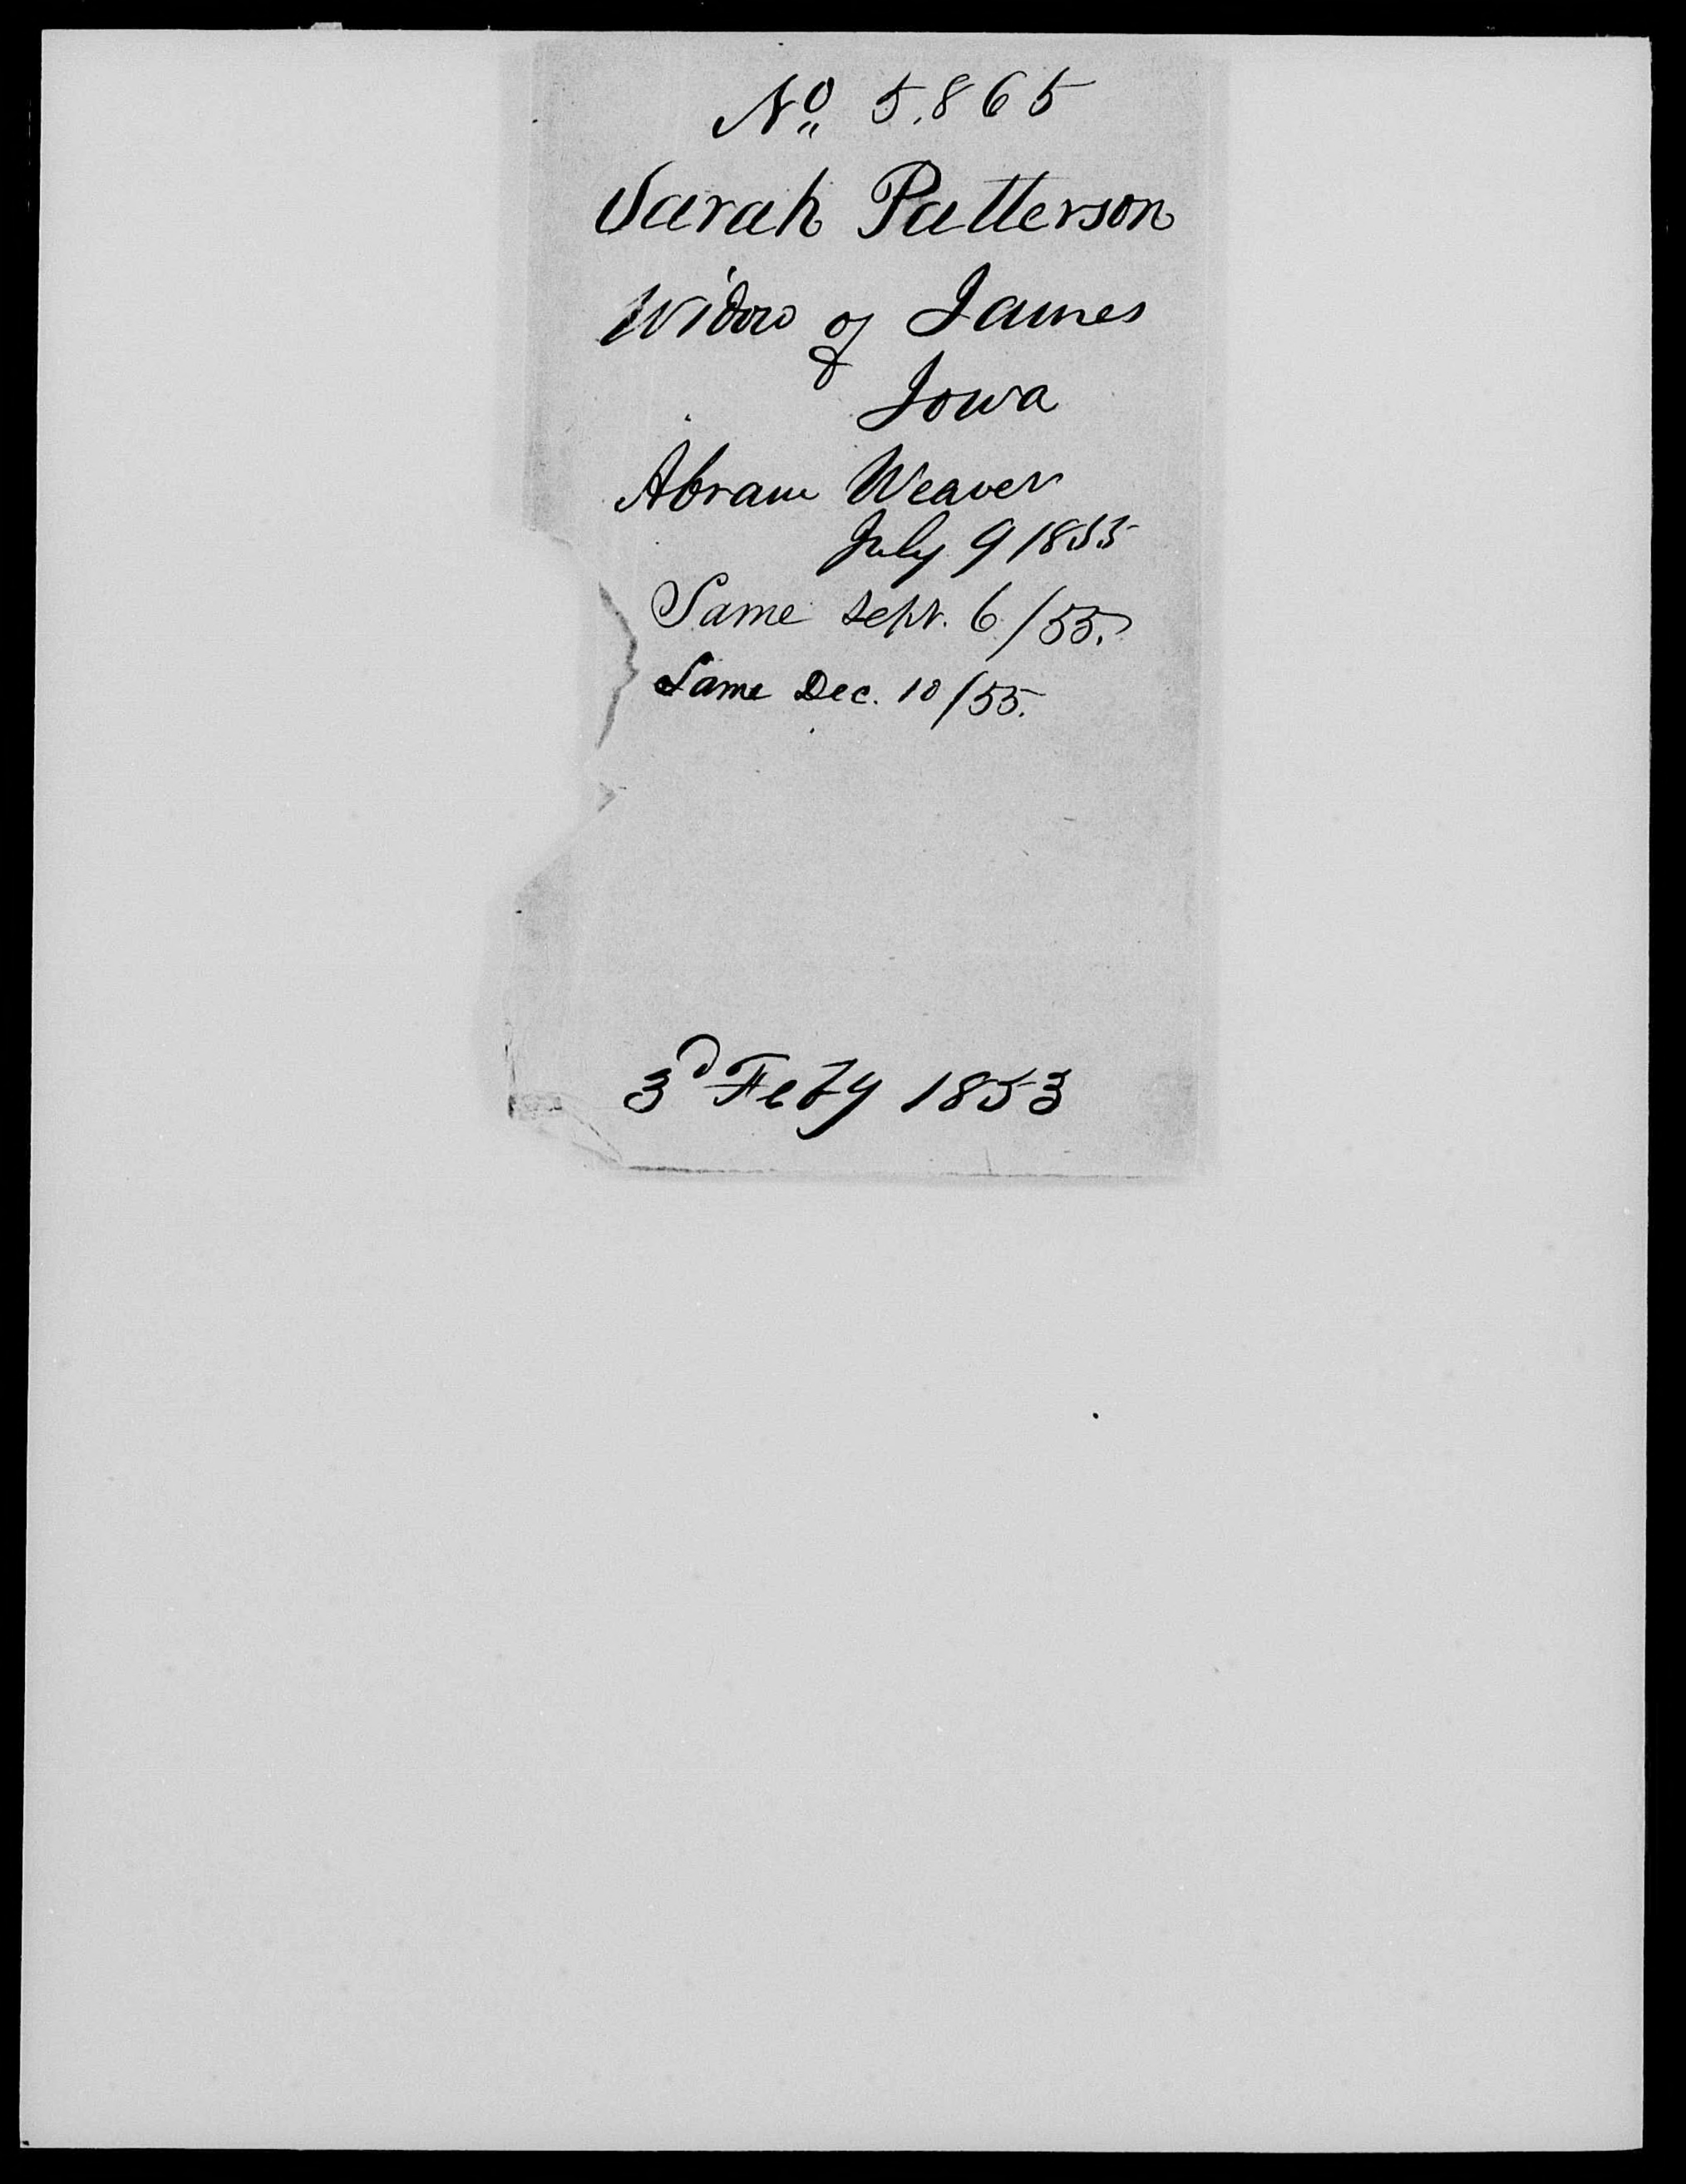No. 5865
Sarah Patterson
Widow of James 
Iowa 
Abram Weaver 
July 9 1853 
Same Sept. 6/55
Same Dec. 10/55
3d Feby 1853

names: Sarah Patterson; Abram Weaver; James Patterson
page: 59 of 69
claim: widow's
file: W. 10861, for James Patterson, North Carolina